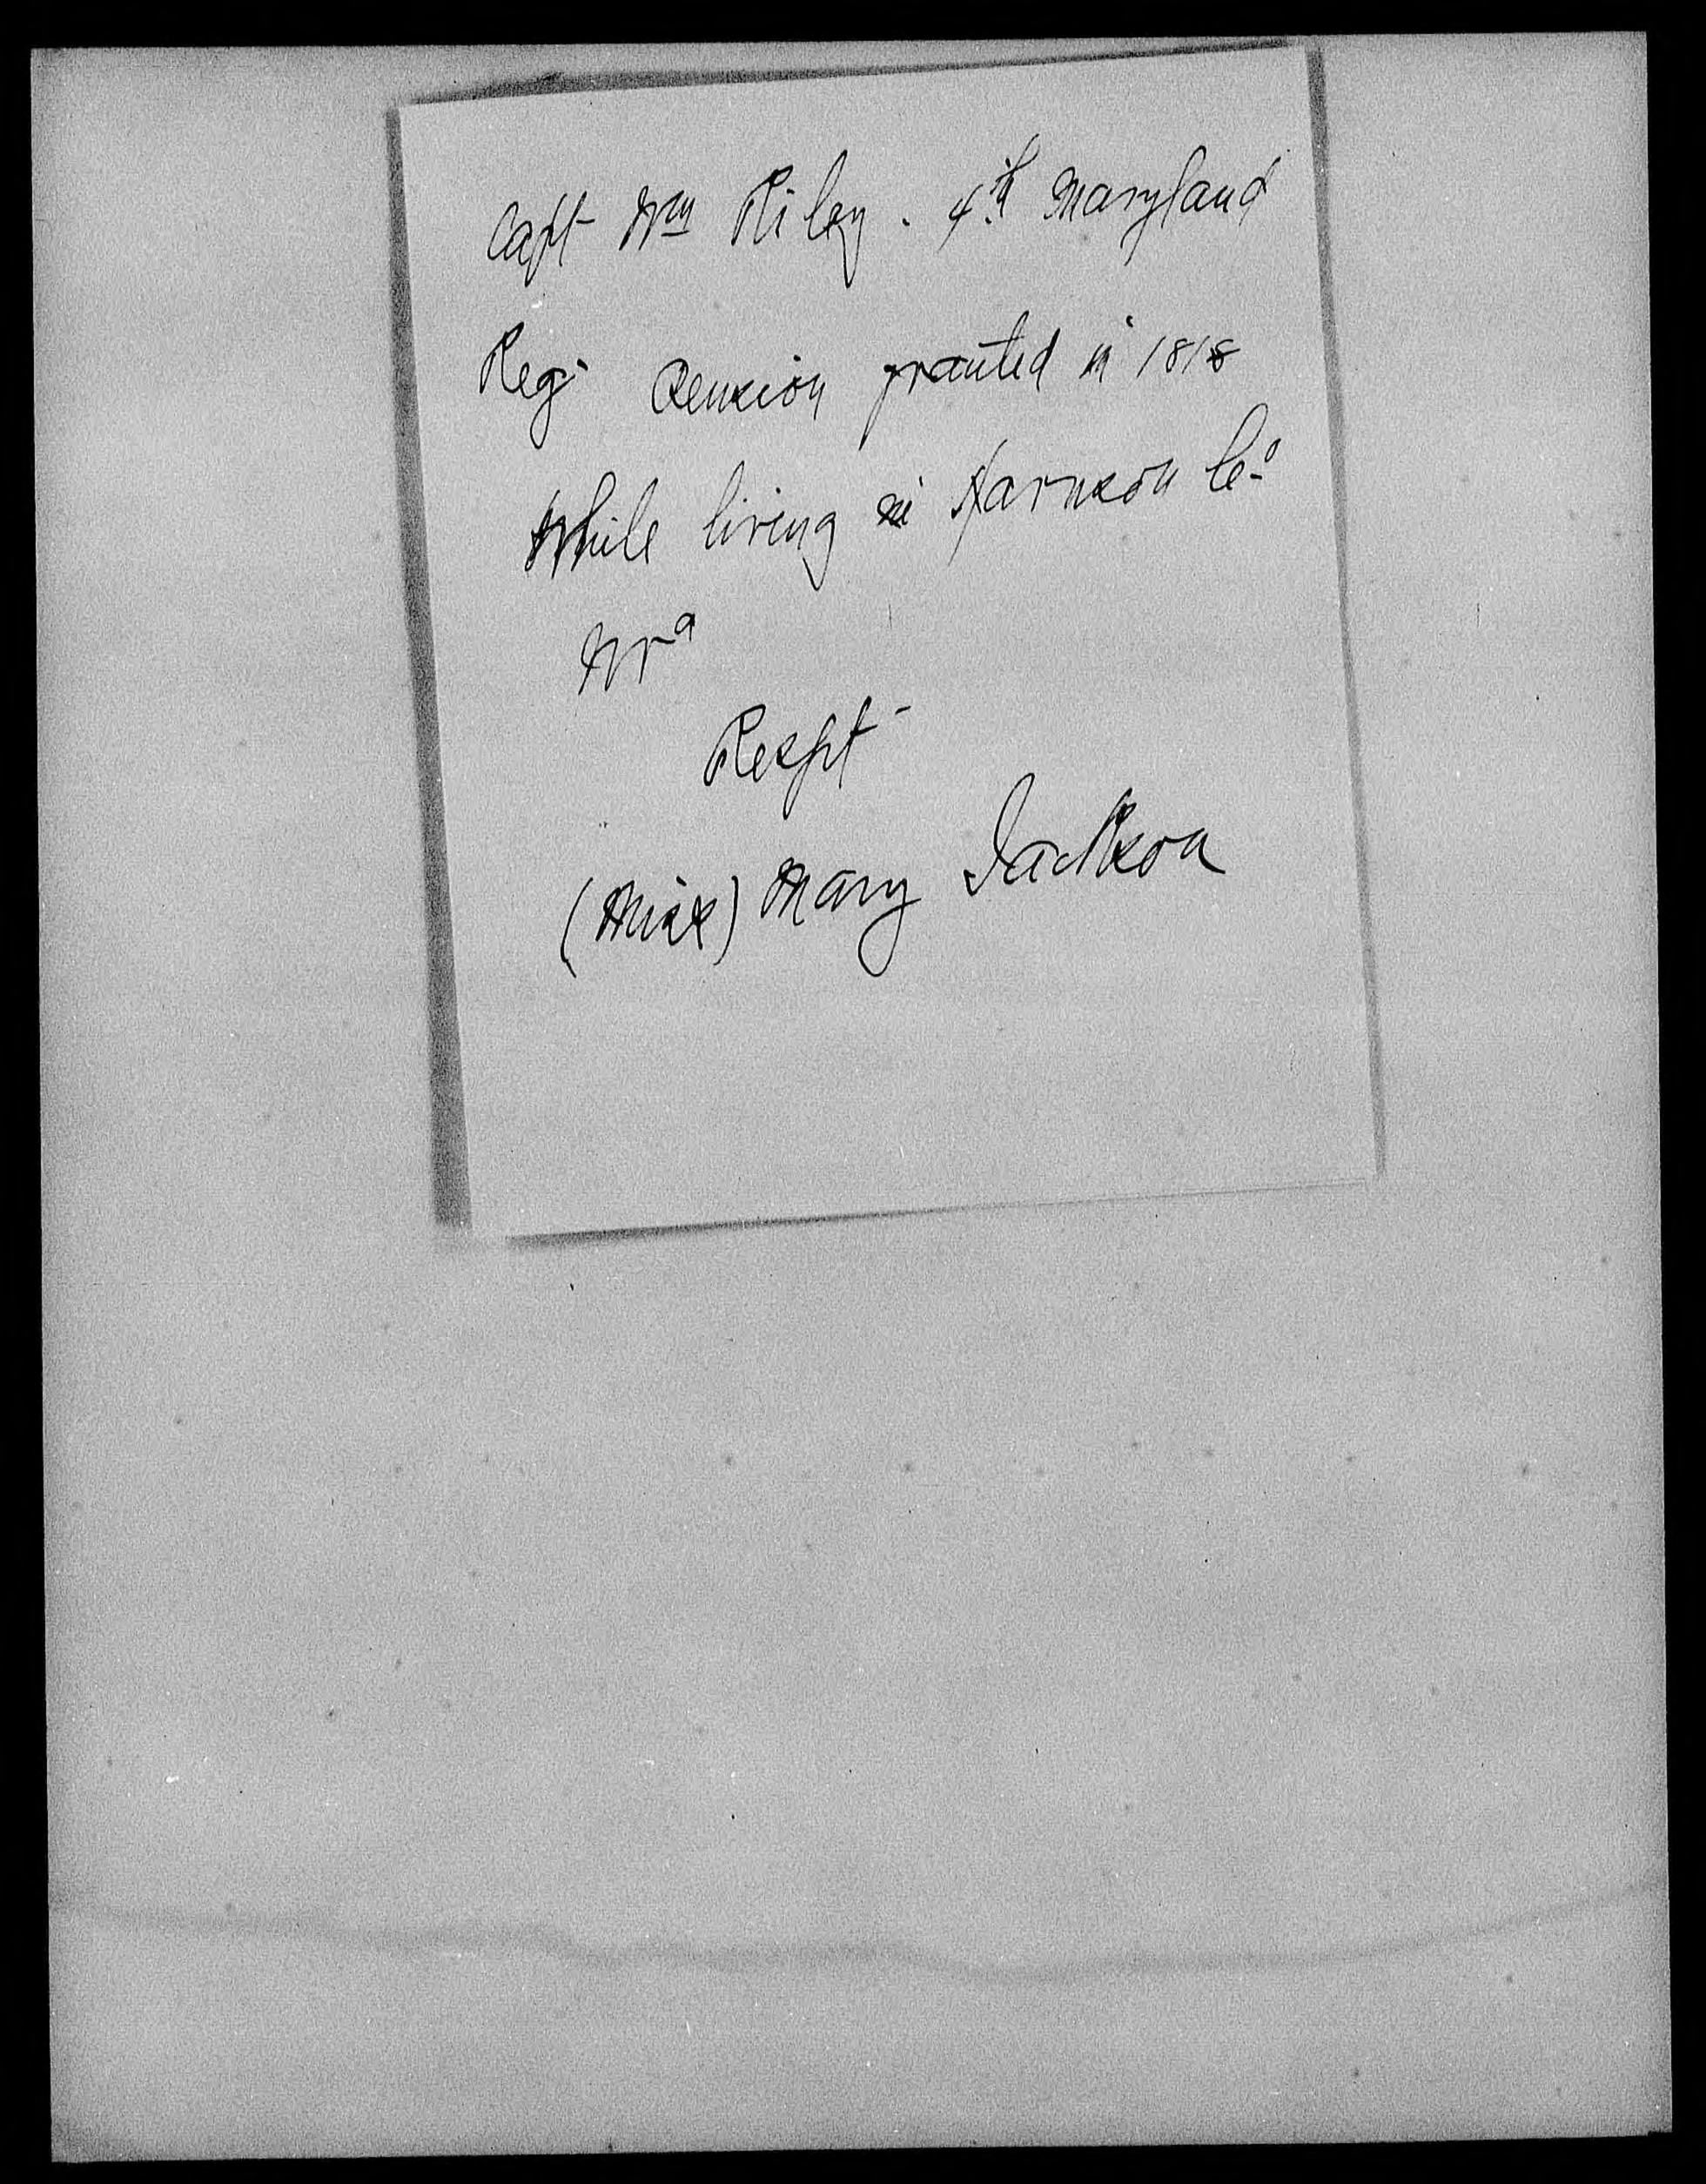Capt Wm. Riley, 4th Maryland 
Reg. pension granted in 1818
while living in Harrison Co.
Va

Respt
(Miss) Mary Jackson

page: 18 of 18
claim: survivor's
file: S. 37,483, for John Taylor, Maryland